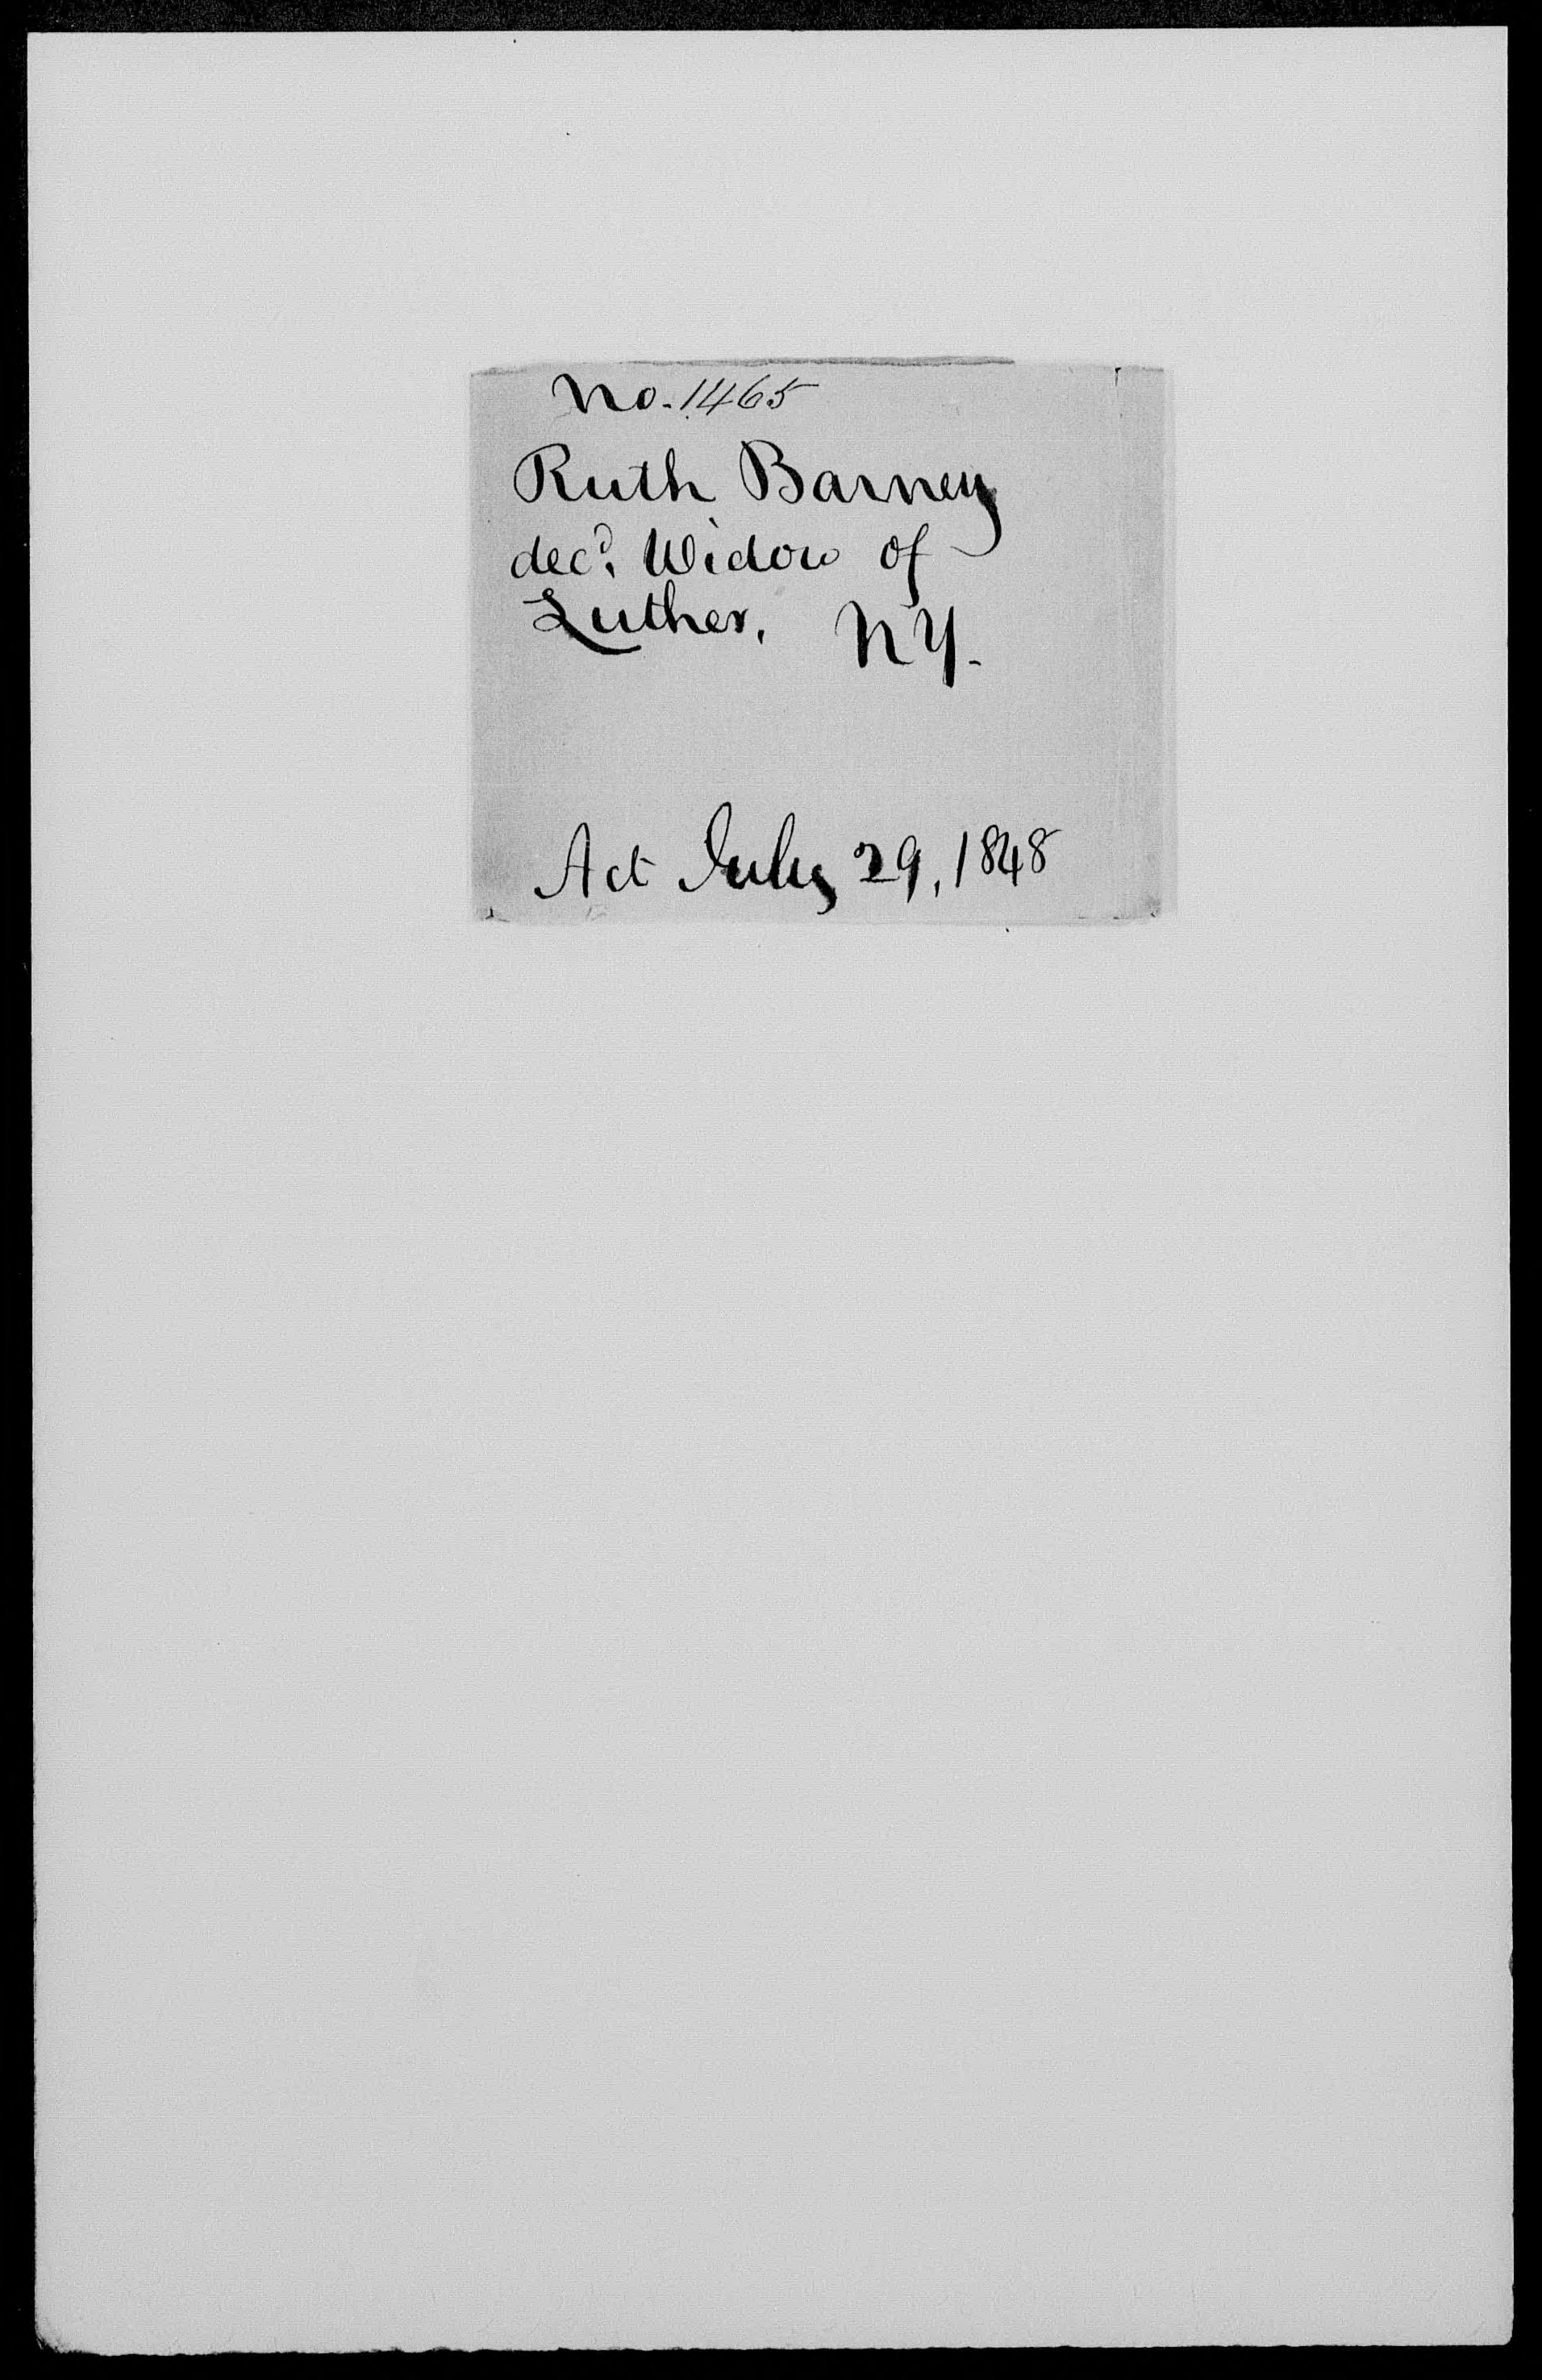No. 1465
Ruth Barney
decd Widow of
Luther, NY
Act July 29, 1848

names: Luther Barney, Ruth Barney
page: 25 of 61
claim: widow's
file: W. 4.124, Luther Barney, Conn. Privateer.